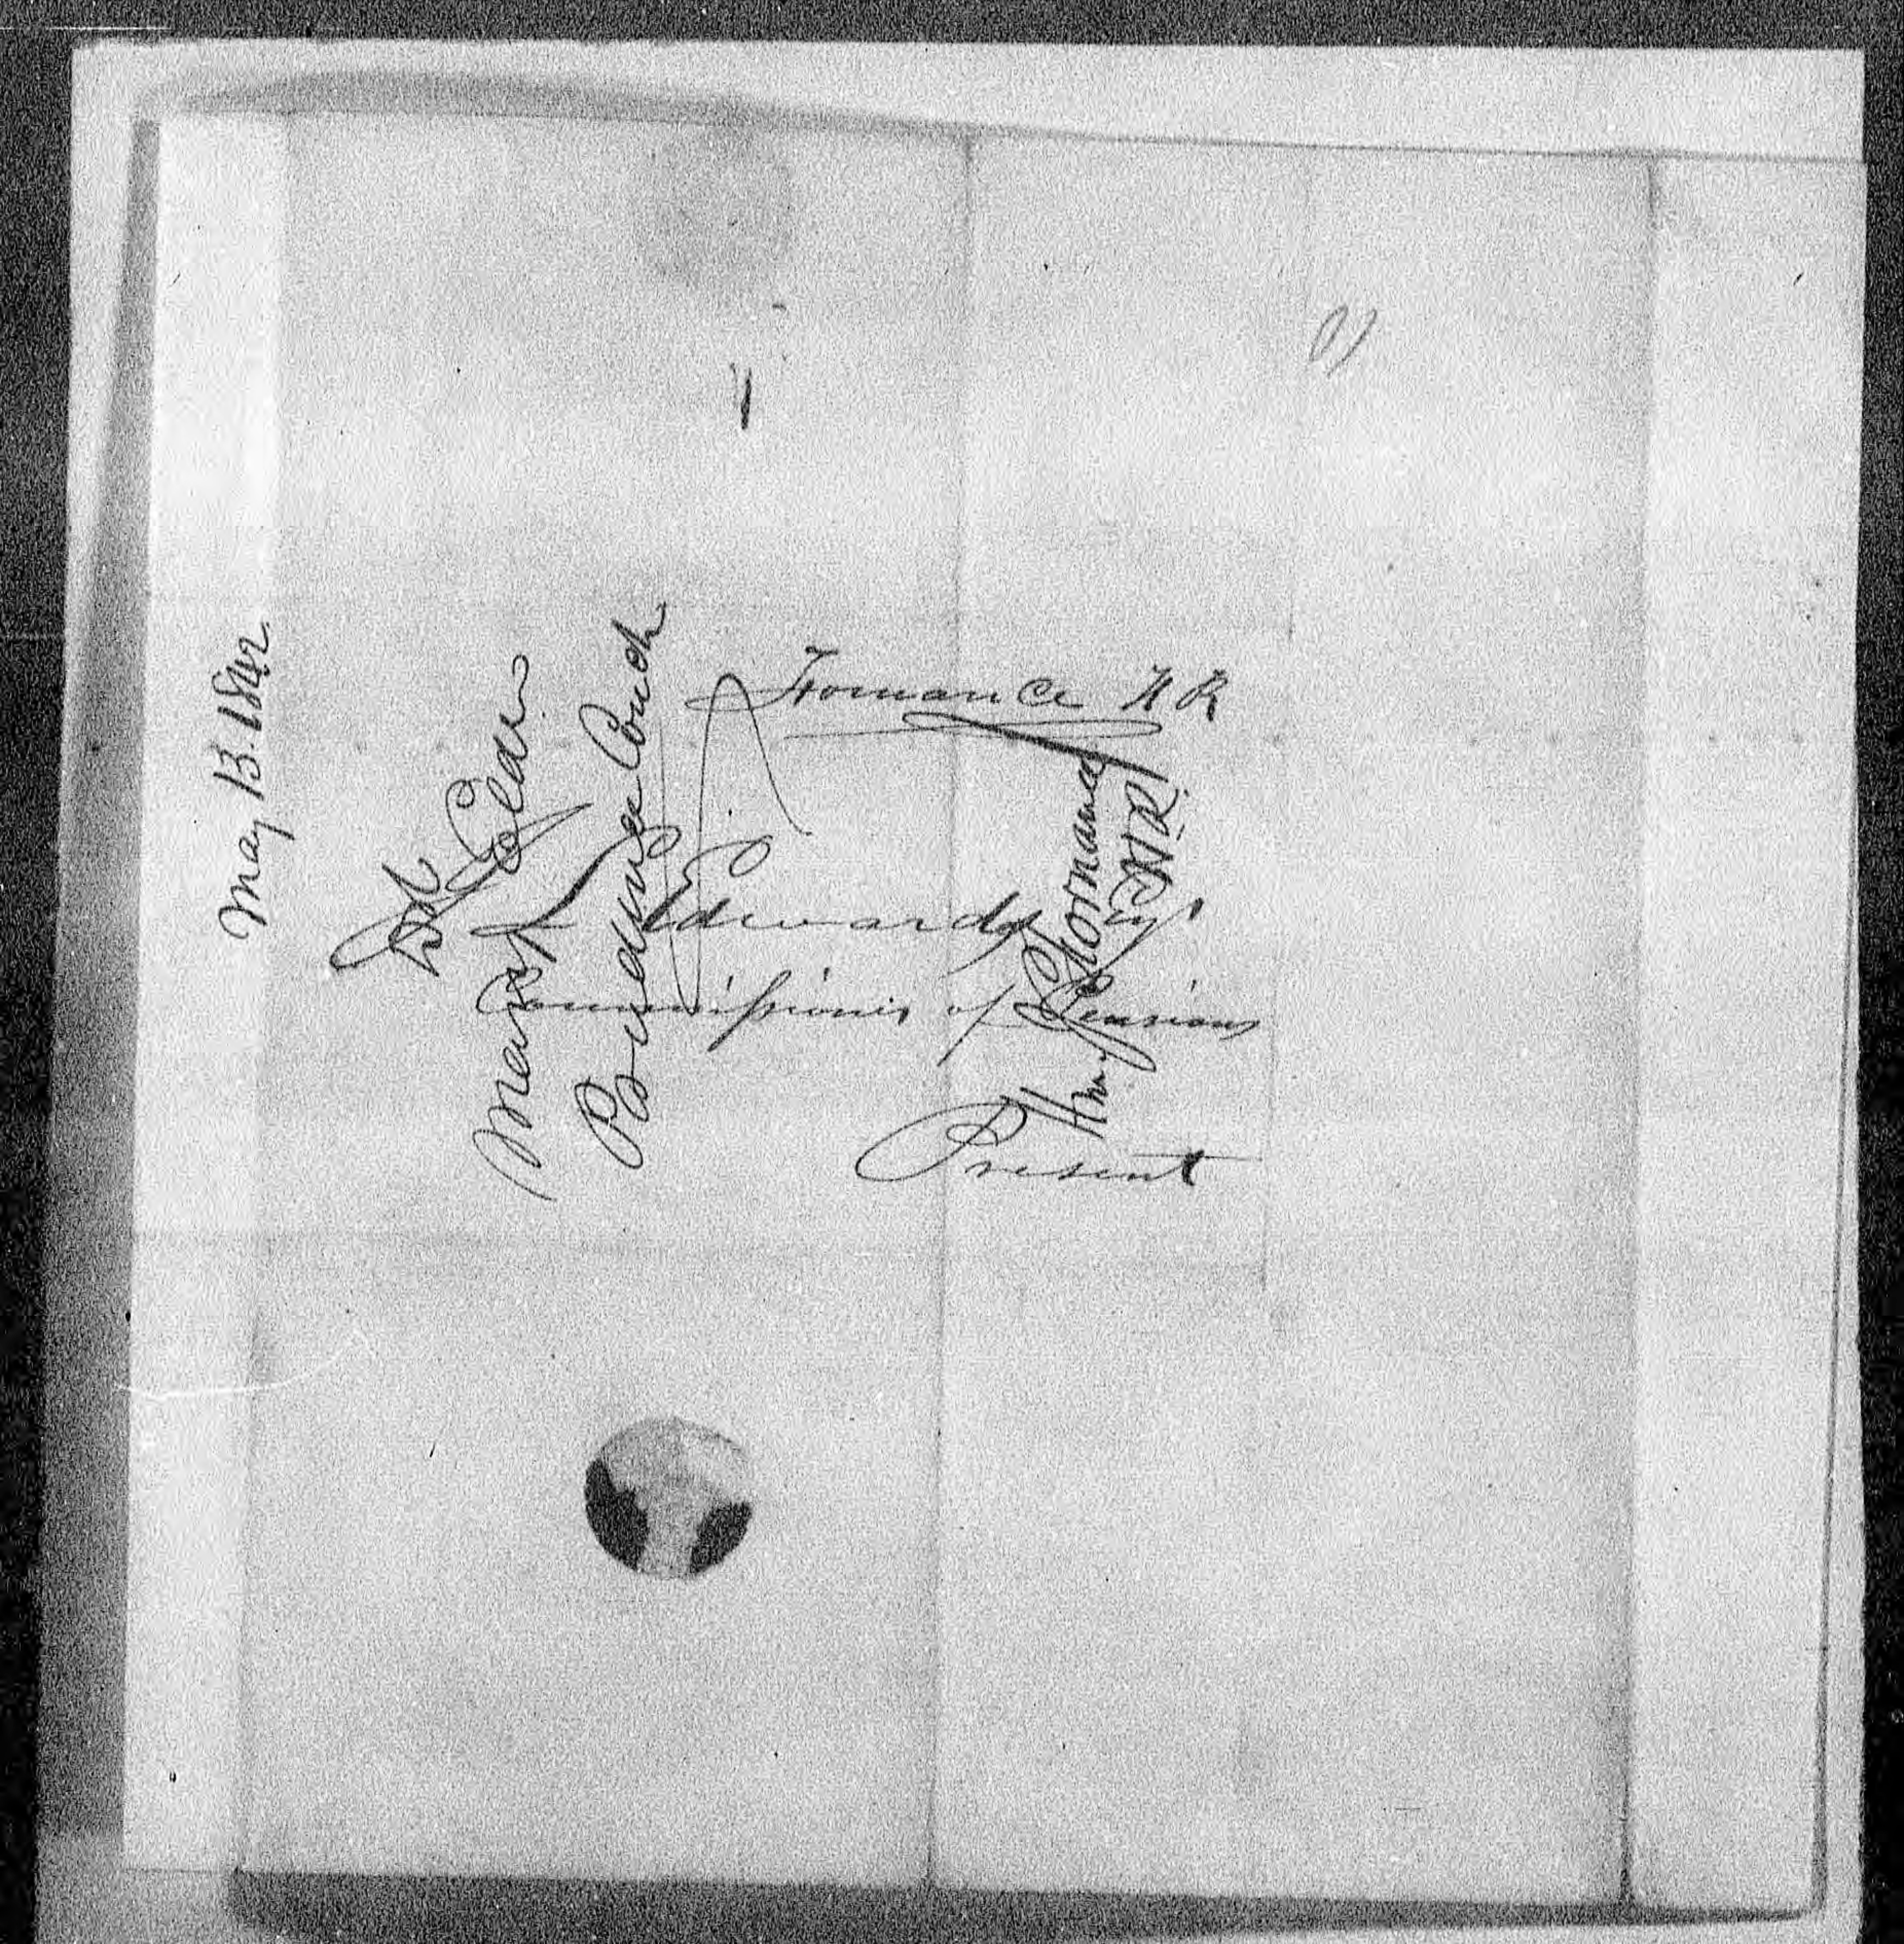May 13, 1842
Mary Elder
Prudence Couch

Hon. J. Fornance
H. R.

Formance HR

J L Edwards Esqr
Commissioner of Pensions
Present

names: J L Edwards, Mary Elder, J Fornance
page: 40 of 68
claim: rejected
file: R. 2,360, John Couch, Conn.